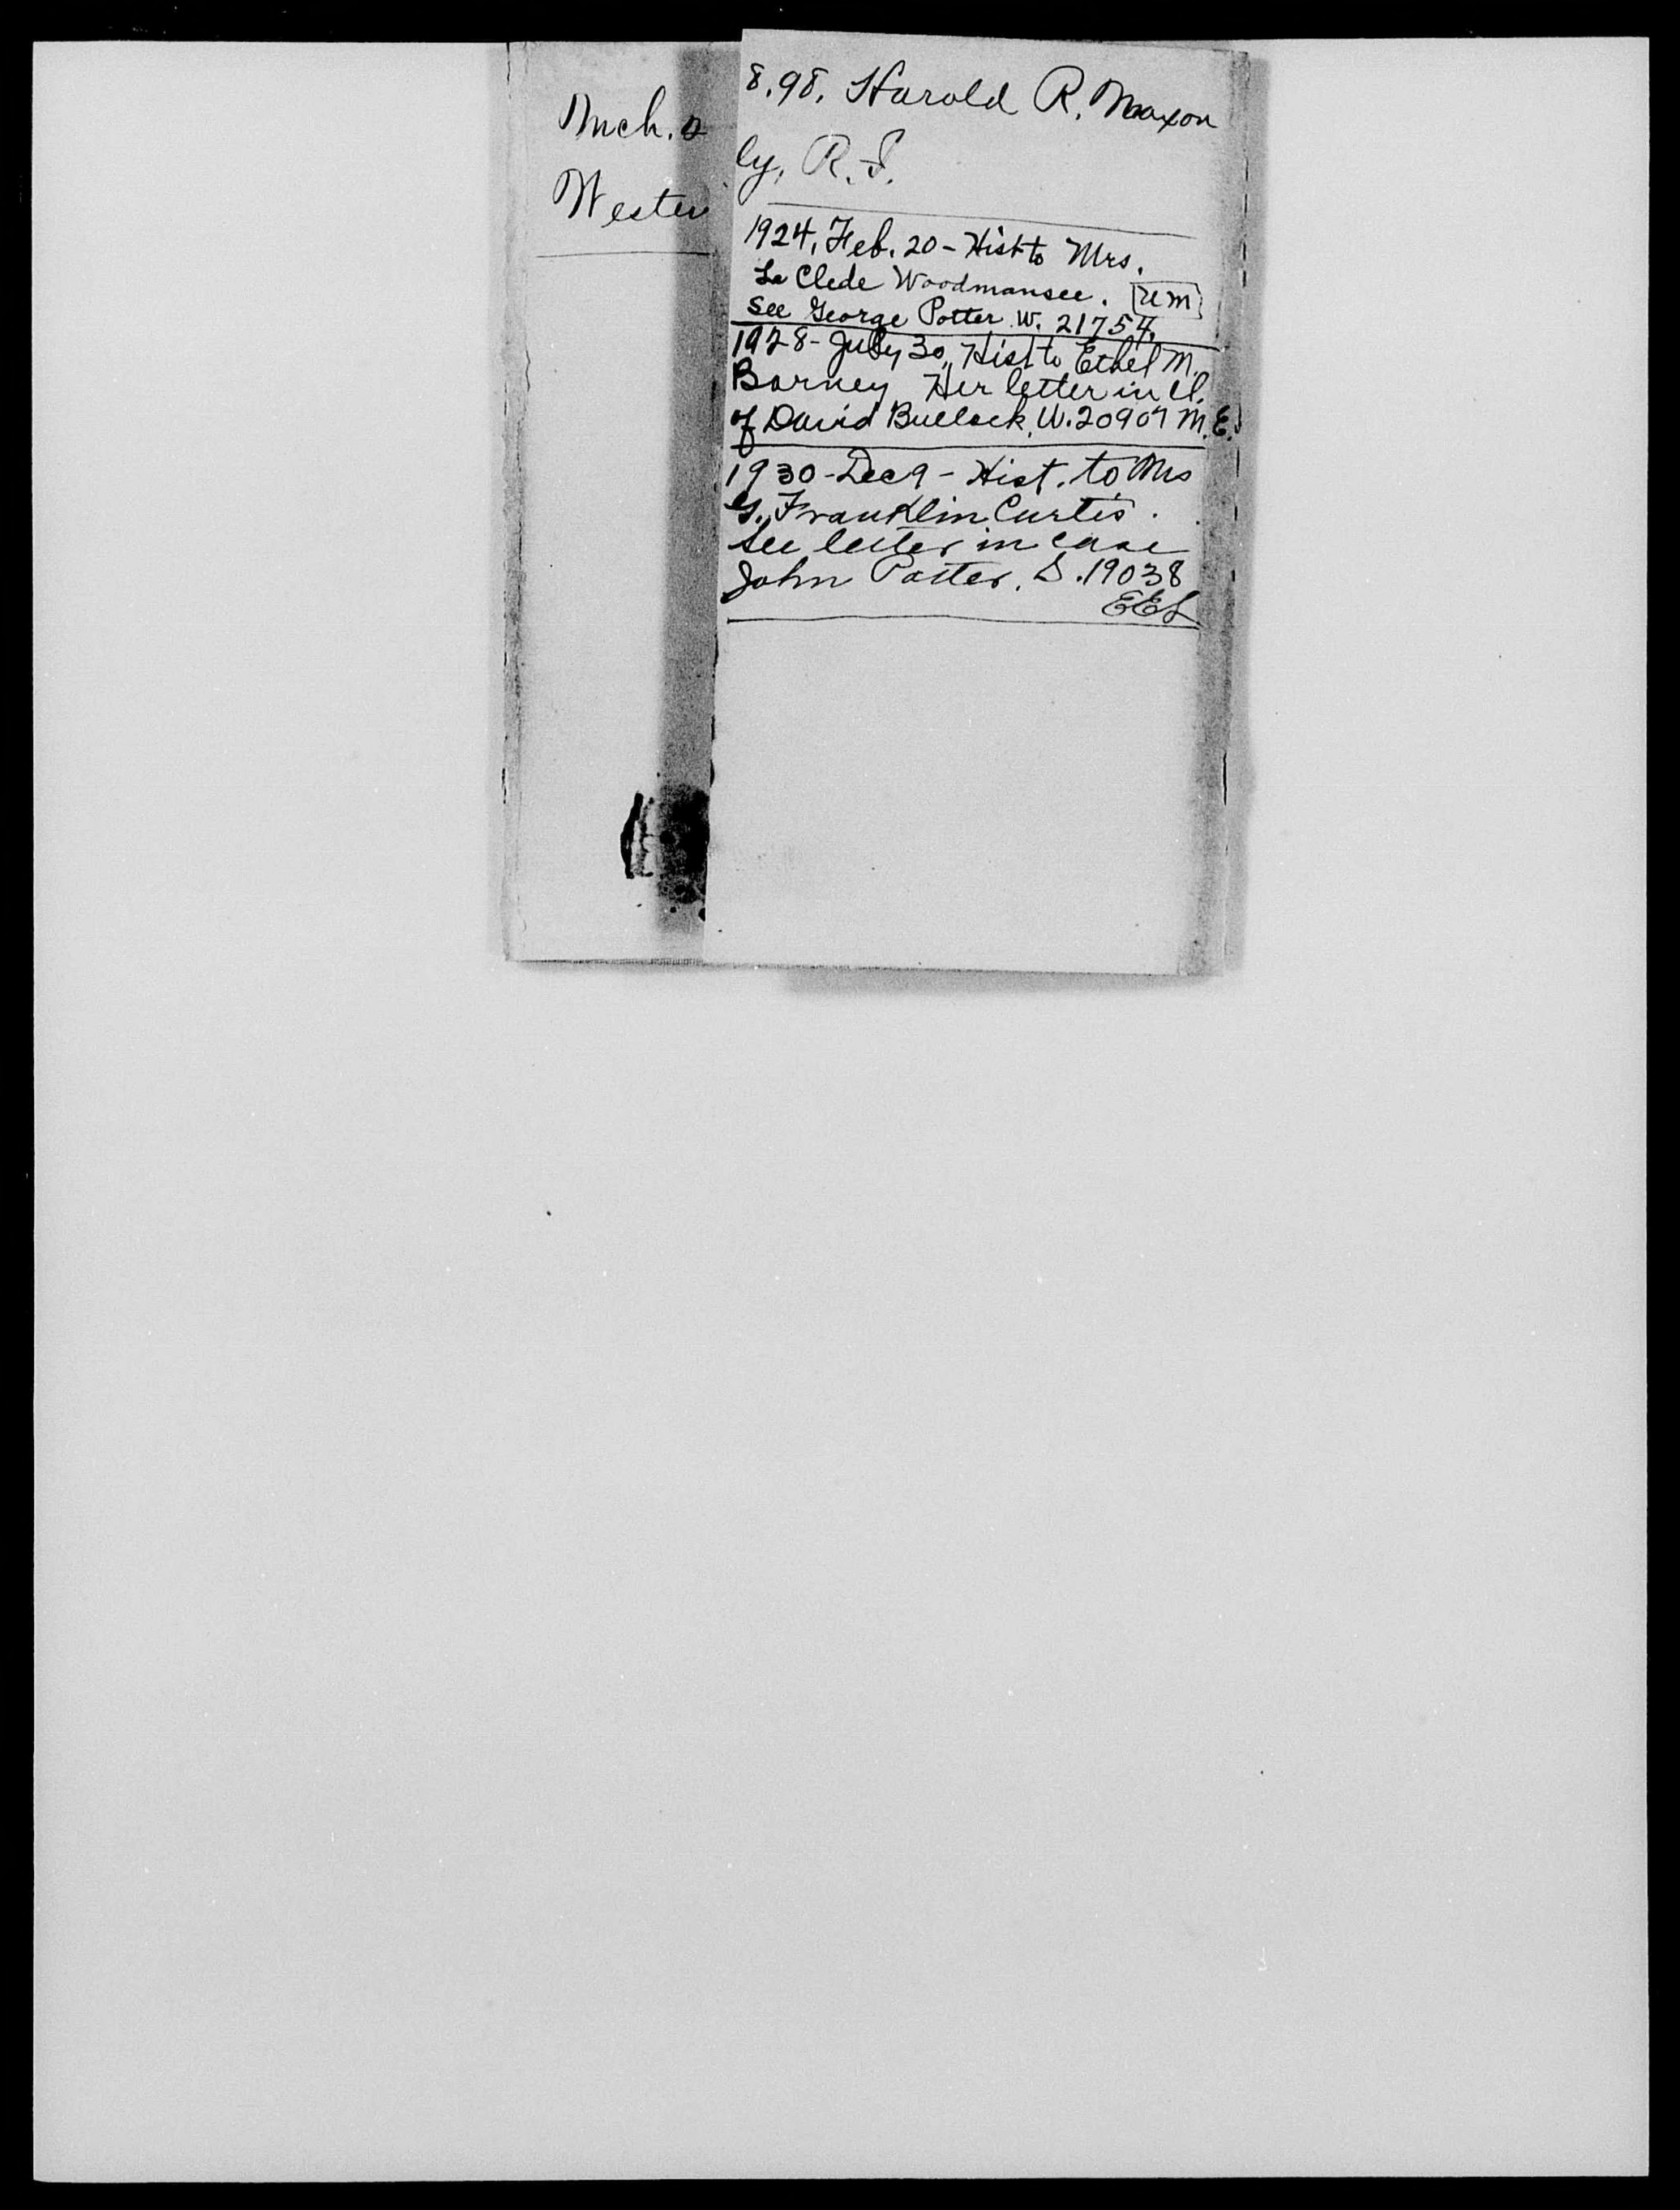8.98 Harold R Maxson
Westerly, RI
--------------------
1924, Feb 20 - Hist to Mrs. Le Clede Woodmansee
see George Potter W.21754
-----------------------
1928 - July 30, Hist to Ethel M Barney Her letter in [illegible] of David Bullack, W.20907 M.E.
-------------------
1930 - Dec 9 - Hist to Mrs G. Franklin Curtis. See letter inn case John Potter S.19038 EES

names: G Franklin Curtis; Harold R Maxon; La Clede Woodmansee; John Potter; David Bullock; George Potter; Ethel M Barnes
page: 25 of 40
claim: widow's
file: W. 16058, for George Potter, Rhode Island